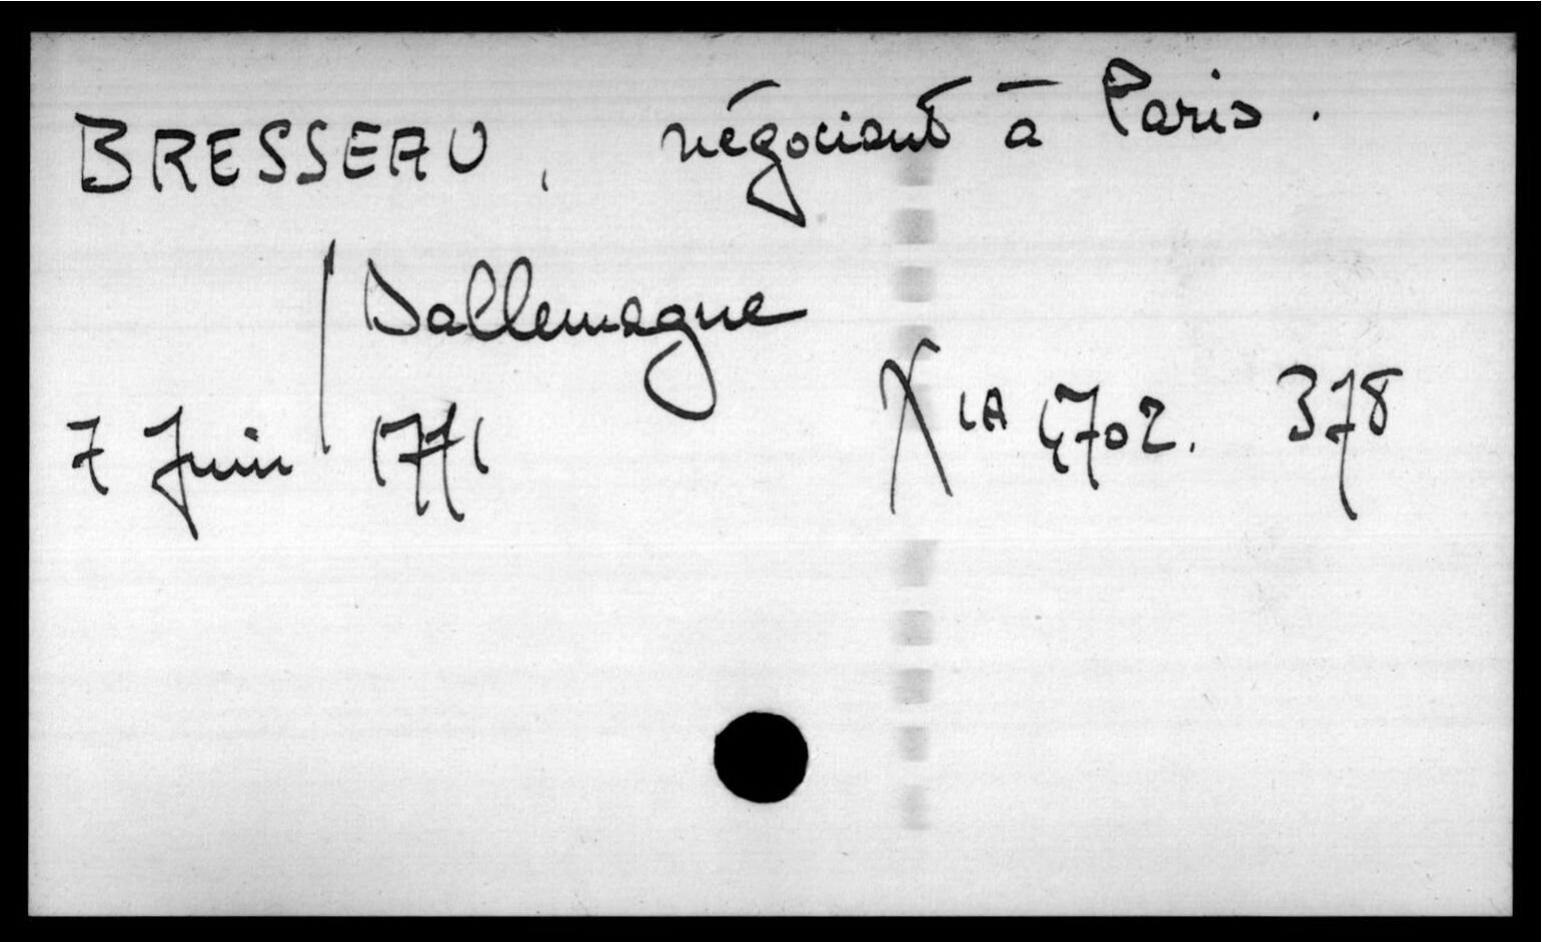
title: BRESSEAU, négociant à Paris.
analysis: Contre Dallemague
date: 7 juin 1771
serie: X1A
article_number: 4702
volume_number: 378
